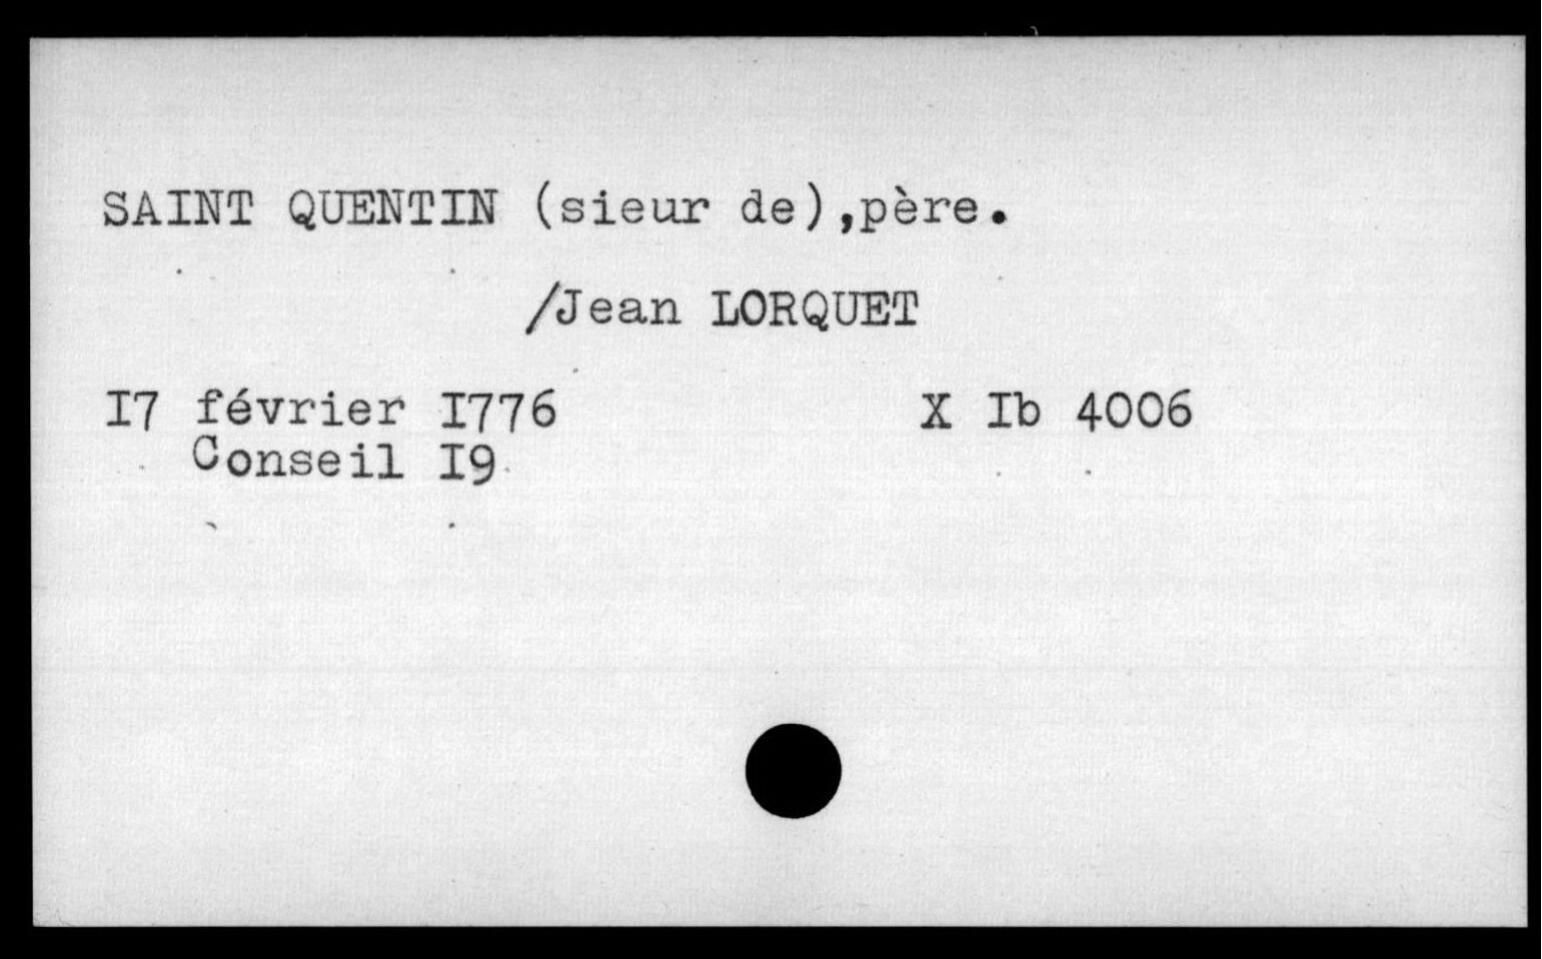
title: SAINT QUENTIN (sieur de), père.
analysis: Contre Jean LORQUET
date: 17 février 1776
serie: X1b
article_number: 4006
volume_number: Conseil 19
